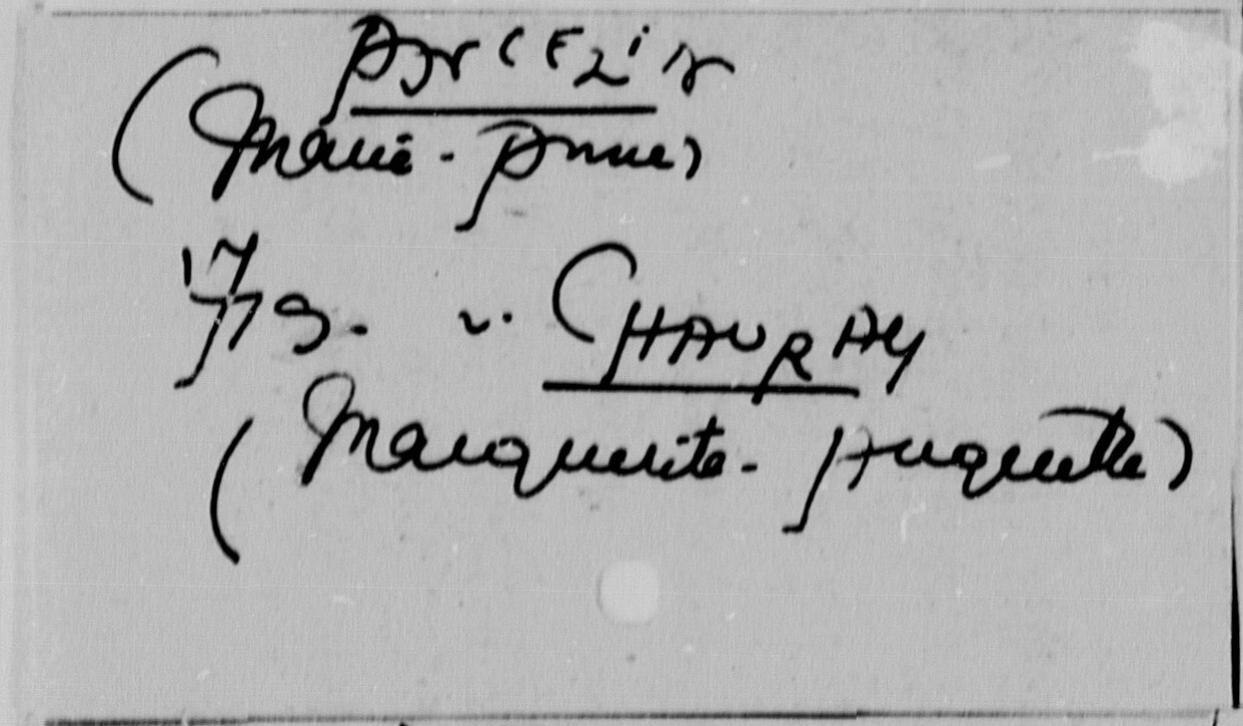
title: ANCELIN (Marie-Anne)
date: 1719
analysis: Voir CHAURAY (Marguerite-Auguste ?)
